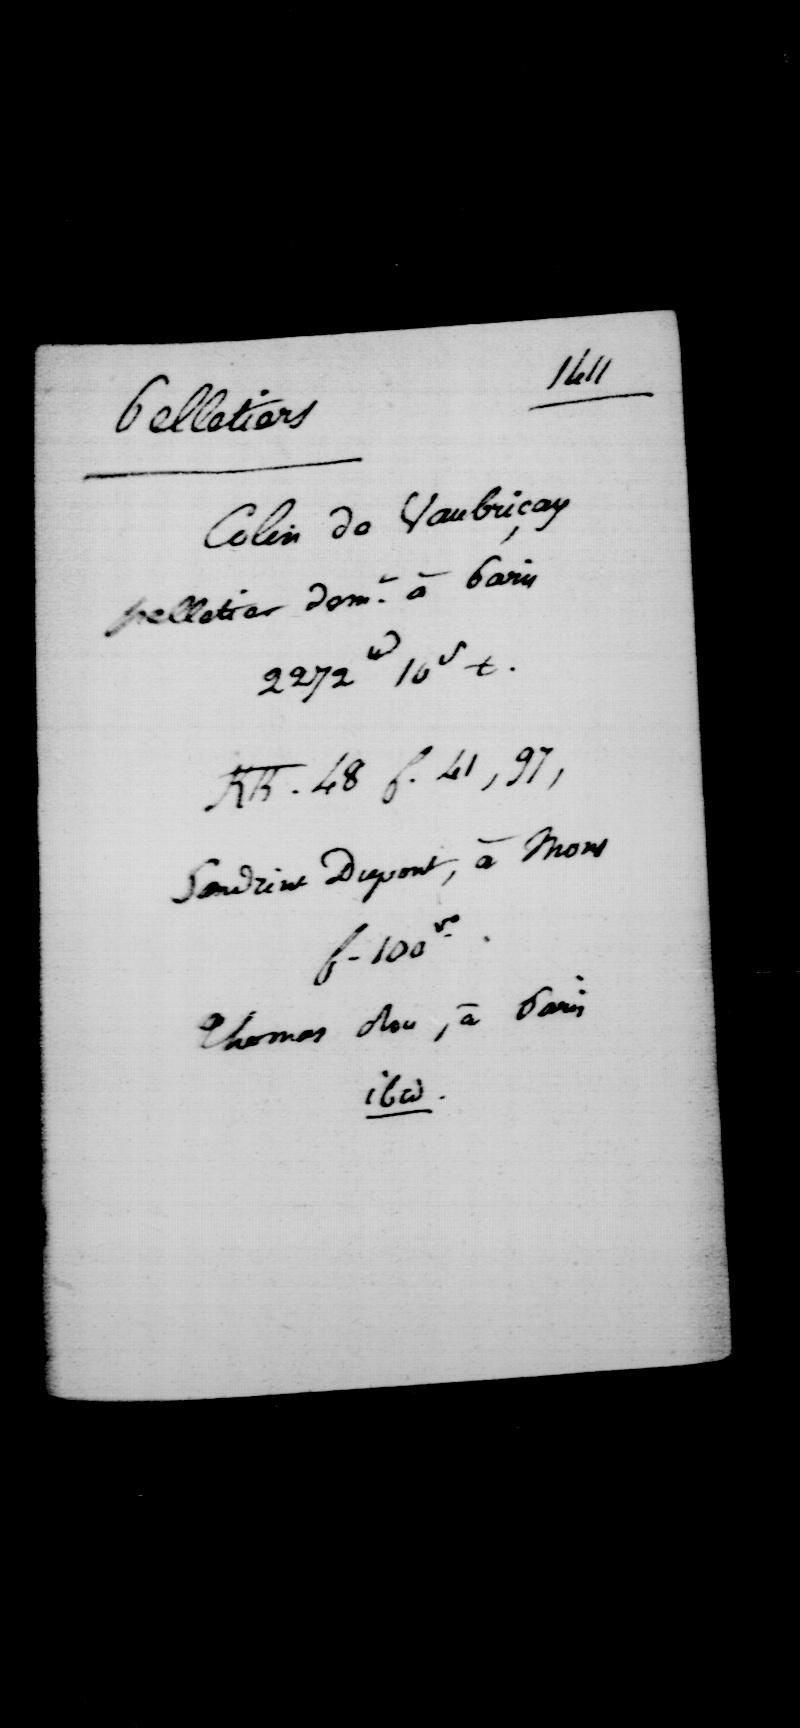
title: Pelletiers
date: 1411
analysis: Colin de Vaubriçay pelletier demeurant à Paris 2272 l. 10 s. t. Sandrint Dupont, à Mons Thomas Rou, à Paris ibid.
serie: KK
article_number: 48
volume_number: fol. 41, 97, 100v
